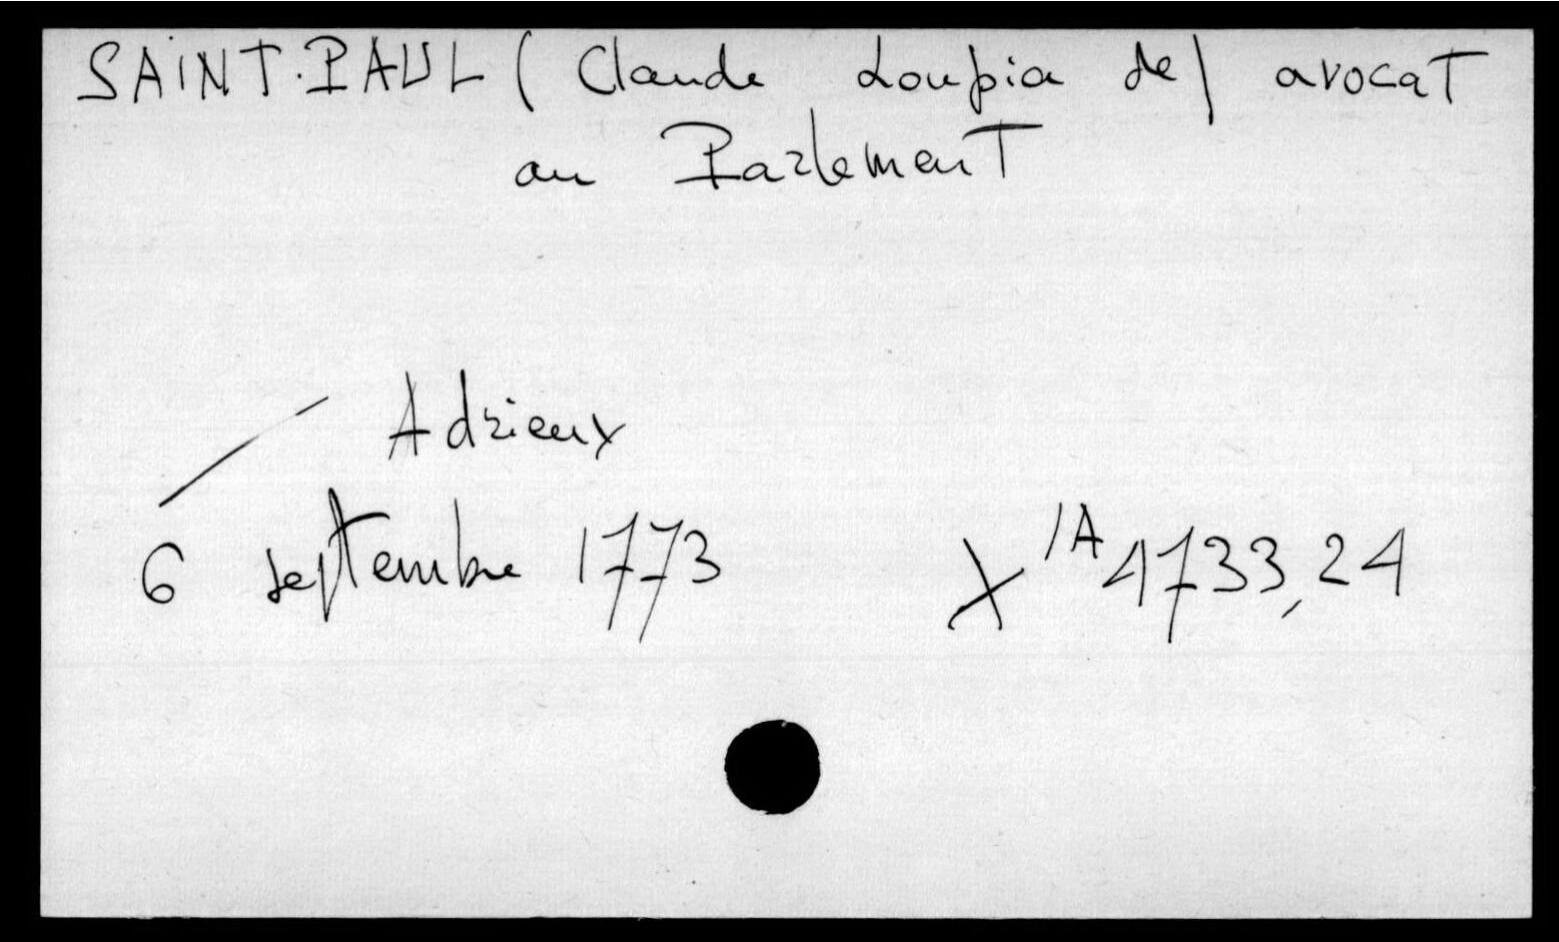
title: SAINT-PAUL (Claude Loupia de) avocat au Parlement
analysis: Contre Adrieux
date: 6 septembre 1773
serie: X1A
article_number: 4733
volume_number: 24
